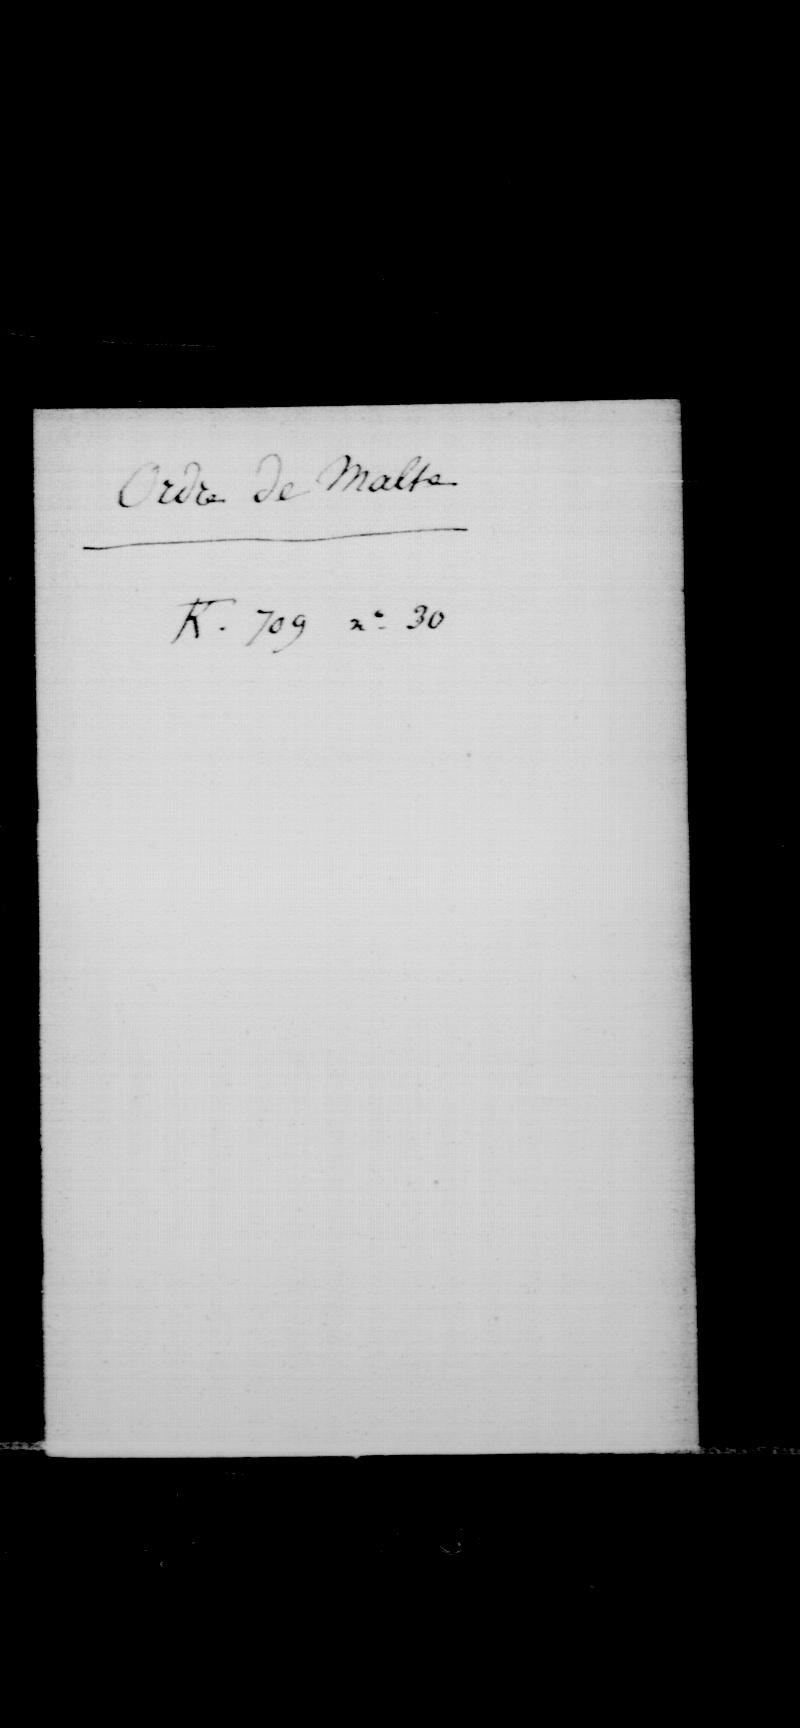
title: Ordre de Malte
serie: K
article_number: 709
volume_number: n° 30
